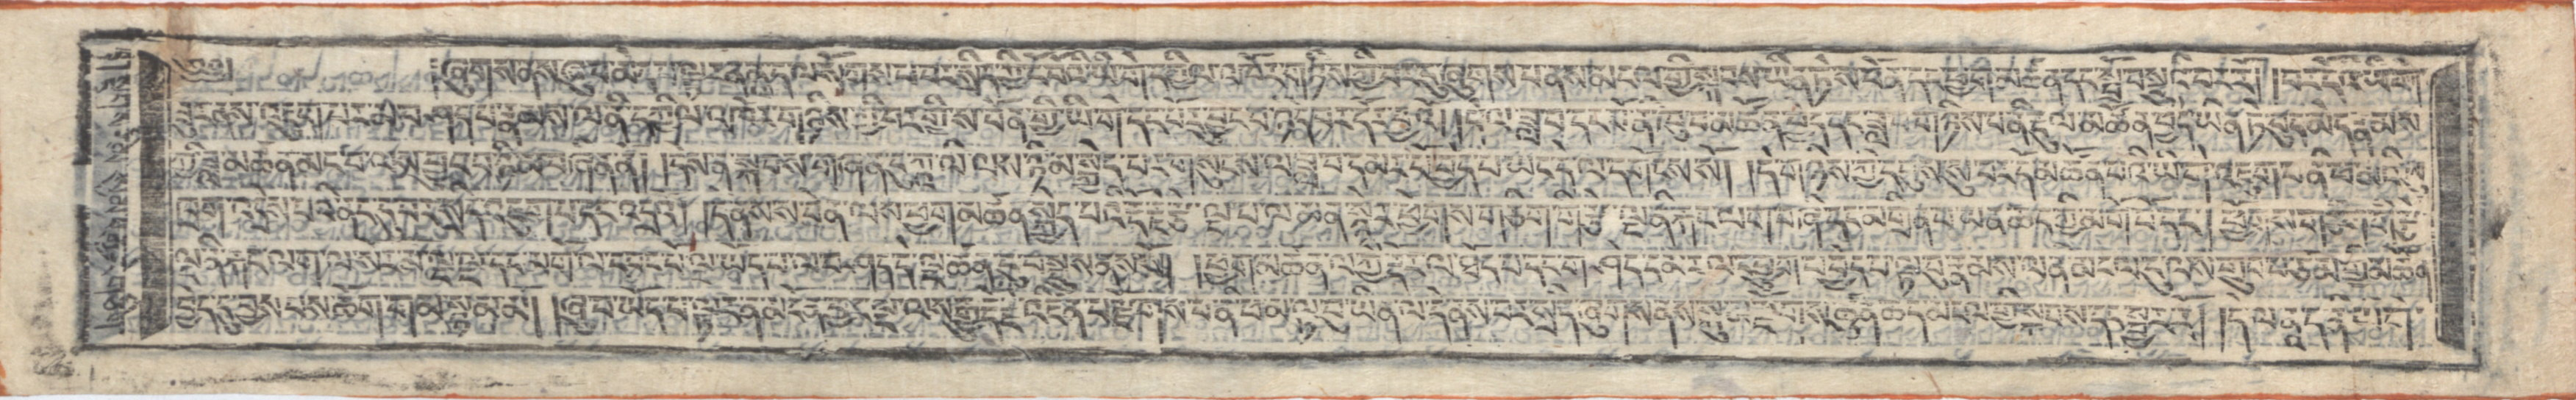༄༅། །ཞུགས་ནས་ཞུ་བ་མེད་པ་ལྟར་ན་ནཱ་ད་ལ་སོགས་པ་བར་སྲིད་ཀྱི་ངོ་བོའི་ཡི་གེ་དཀྱིལ་འཁོར་གཉིས་ཀྱི་བར་དུ་ཞུགས་པ་ནས་མངལ་གྱི་སྐབས་ཡིན་ཏེ་ས་བོན་དང་ཕྱག་མཚན་དང་སྤྲོ་བསྡུའི་བར་རོ། །བར་དོའི་ཡི་གེ་
ཟུར་ནས་འཇུག་པར་མ་བཤད་པ་རྣམས་ལ་ནི་དཀྱིལ་འཁོར་གཉིས་ཀྱི་བར་གྱི་ས་བོན་གྱི་ཡི་གེ་དང་པོར་བྱུང་བ་ཉིད་བར་དོར་བྱའོ། །དེ་ལ་ཟླ་བ་དང་པོ་ནི་ཁུ་བ་མཚོན་བྱེད་དང་ཟླ་བ་གཉིས་པ་ནི་རྡུལ་མཚོན་བྱེད་ཡིན་ཏེ་བུད་མེད་རྣམས་
ཀྱི་ཟླ་མཚན་མང་བ་ལས་བྱུང་བ་ཉི་མ་བཞིན་ནོ། །དེས་ན་སྐབས་གཞན་དུ་ཀཱ་ལི་ལས་ཉི་མ་སྐྱེད་པར་གསུངས་ལ་ཟླ་བ་དམར་པོ་བྱེད་པ་ཡང་དེ་ལ་དགོངས་སོ། །དེ་གཉིས་ཀྱི་དབུས་སུ་བར་དོ་མཚོན་པའི་ཡི་གེ་འཇུག་པ་ནི་ཕ་མའི་ཕུ་
ཁྲག་འདྲེས་པའི་ནང་དུ་བར་སྲིད་འཇུག་པ་དང་འདྲའོ། །དེ་ནས་ས་བོན་ལས་ཕྱག་མཚན་སྐྱེད་པའི་རྡོ་རྗེ་རྩེ་ལྔ་པ་ལ་མན་སྙེར་ཕྱོགས་གཅིག་གི་རྩེ་ལྔ་ནི་རྐང་ལག་བཞི་དང་མགྲིན་པ་ཡན་ཆད་ཀྱི་མགོ་བོ་དང་། ཕྱོགས་གཅིག་གི་རྩེ་
ལྔ་ནི་རྐང་ལག་ལ་སོར་མོ་ལྔ་ལྔ་དང་མགོ་ལ་དབང་པོ་ལྔ་ཡོད་པ་ལ་བཤད་དེ་ལྔ་ཚན་དུ་བསྡུས་ནས་སོ། །ཕྱག་མཚན་ལ་ཀྱི་རྡོར་ལ་ཐོད་པ་དང་གཤེད་དམར་ལ་དབྱུག་པ་བྱེད་པ་ལྟ་བུ་རྣམས་ལ་ནི་མངལ་དུ་ལས་གྲུབ་པ་ཙམ་གྱི་མཚོན་
བྱེད་དུ་བྱས་པས་ཆོག་གམ་སྙམ་མོ། །ཞུ་བ་ཡོད་པ་ལྟར་ན་མངོན་བྱང་ལྔ་ལས་རྒྱུ་རྡོ་རྗེ་འཛིན་པ་རྫོགས་པ་ནི་ཕ་མ་ལྟ་བུ་ཡིན་ལ་དེ་ནས་བར་སྲིད་ཞུགས་ནས་སྐུ་མ་རྫོགས་ཚུན་ཆད་མངལ་གྱི་སྐབས་དང་སྦྱར་རོ། །དེ་ལ་ནཱ་ད་ནི་ཡི་གེ་